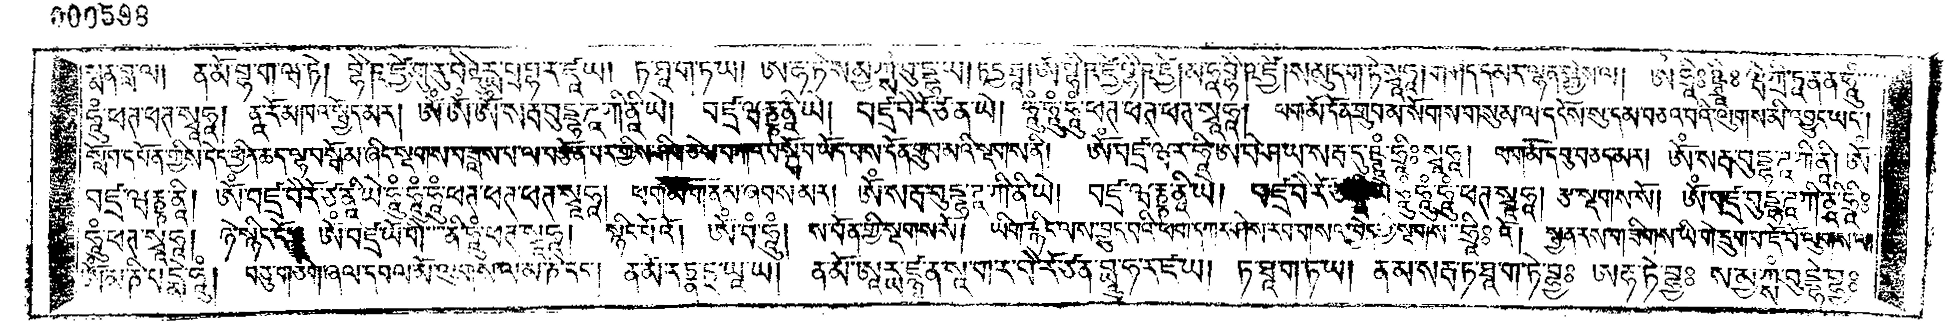སྨན་བླ་ལ།  ན་མོ་བྷ་ག་ཝ་ཏེ། བྷཻ་ཥ་ཛྱེ་གུ་རུ་བེཊེའུརྱ་པྲ་བྷ་ར་ཛཱ་ཡ། ཏ་ཐཱ་ག་ཏ་ཡ། ཨ་རྷ་ཏེ་སམྱ་ཀྶཾ་བུ་དྡྷ་ཡ། ཏ་དྱ་ཐཱ། ཨོཾ་བྷཻ་ཥ་ཛྱེ་བྷཻ་ཥ་ཛྱེ། མ་ཧཱ་བྷཻ་ཥ་ཛྱེ། ས་མུད་ག་ཏེ་སྭཱ་ཧཱ། གཤེད་དམར་ལྷན་སྐྱེས་ལ།  ཨོཾ་ཧྲཱིཿ ཥྚྲཱིཿ ཝི་ཀྲི་ཏཱ་ན་ན་ཧཱུཾ་
ཧཱུཾ་ཕཊ་ཕཊ་སྭཱ་ཧཱ། ནཱ་རོ་མཁའ་སྤྱོད་མར།  ཨོཾ་ཨོཾ་ཨོཾ་སརྦ་བུདྡྷ་ཌཱ་ཀི་ནཱི་ཡེ། བཛྲ་ཝརྞྞ་ནཱི་ཡེ། བཛྲ་བཻ་རོ་ཙ་ན་ཡེ། ཧཱུཾ་ཧཱུཾ་ཧཱུཾ་ཕཊ་ཕཊ་ཕཊ་སྭཱ་ཧཱ། ཕག་མོ་དོན་གྲུབ་མ་སོགས་གསུམ་ལ་དངོས་སུ་དམ་བཅའ་བའི་ལུགས་མི་འབྱུང་ཡང་།
སློབ་དཔོན་གྱིས་དེང་ཕྱིན་ཆད་ལྷ་བསྒོམ་ཞིང་སྔགས་བཟླས་པ་ལ་བརྩོན་པར་གྱིས་ཤིག་ཅེས་བཀའ་བསྔོ་?་བ་ཡོད་པས་དོན་གྲུབ་མའི་སྔགས་ནི། ཨོཾ་བཛྲ་ཝ་ར་ཧཱི་ཨ་བེ་ཤ་ཡ་སརྦ་དུ་ཥྚཱཾ་ཧྲཱིཿ སྭཱཧཱ། ཕག་མོ་དབུ་བཅད་མར།  ཨོཾ་སརྦ་བུདྡྷ་ཌཱ་ཀི་ནཱི། ཨོཾ་
བཛྲ་ཝརྞྞ་ནཱི། ཨོཾ་བཛྲ་བཻ་རོ་ཙ་ནཱི་ཡེ་ཧཱུཾ་ཧཱུཾ་ཧཱུཾ་ཕཊ་ཕཊ་ཕཊ་སྭཱཧཱ། ཕག་མོ་གནམ་ཞབས་མར།  ཨོཾ་སརྦ་བུདྡྷ་ཌཱ་ཀི་ནི་ཡེ། བཛྲ་ཝརྞྞ་ནཱི་ཡེ། བཛྲ་བཻ་རོ་ཙ་ནཱི་ཡེ་ཧཱུཾ་ཧཱུཾ་ཧཱུཾ་ཕཊ་སྭཱཧཱ། རྩ་སྔགས་སོ།  ཨོཾ་བཛྲ་བུདྡྷ་ཌཱ་ཀི་ནཱི་ཧྲཱིཿ
ཧཱུཾ་ཕཊ་སྭཱཧཱ། ཉེ་སྙིང་ངོ། ཨོཾ་བཛྲ་ཡོ་གི་ནི་ཧཱུཾ་ཕཊ་སྭཱཧཱ། སྙིང་པོའོ།  ཨོཾ་བཾ་ཧཱུཾ། ས་བོན་གྱི་སྔགས་སོ། ཡིག་རྙིང་ལས་བྱུང་བའི་ཕག་དཀར་ཤེས་རབ་གསལ་བྱེད་ཀྱི་སྔགས་ཧྲཱིཿ འོ། སྤྱན་རས་གཟིགས་ཡི་གེ་དྲུག་པ་ཇོ་བོ་ལུགས་ལ།
ཨོཾ་མ་ཎི་པདམེ་ཧཱུཾ། བཅུ་གཅིག་ཞལ་དཔལ་མོ་ལུགས་ལ་མ་ཎི་དང་། ན་མོ་རཏྣ་ཏྲ་ཡཱ་ཡ། ན་མོ་ཨཱརྱ་ཛྙཱ་ན་སཱ་ག་ར་བཻ་རོ་ཙ་ན་བྱཱུ་ཧ་ར་ཛ་ཡ། ཏ་ཐཱ་ག་ཏ་ཡ། ན་མ་སརྦ་ཏ་ཐཱ་ག་ཏེ་བྷྱཿ ཨརྷ་ཏེ་བྷྱཿ ས་མྱ་ཀྶཾ་བུདྡྷེ་བྷྱཿ